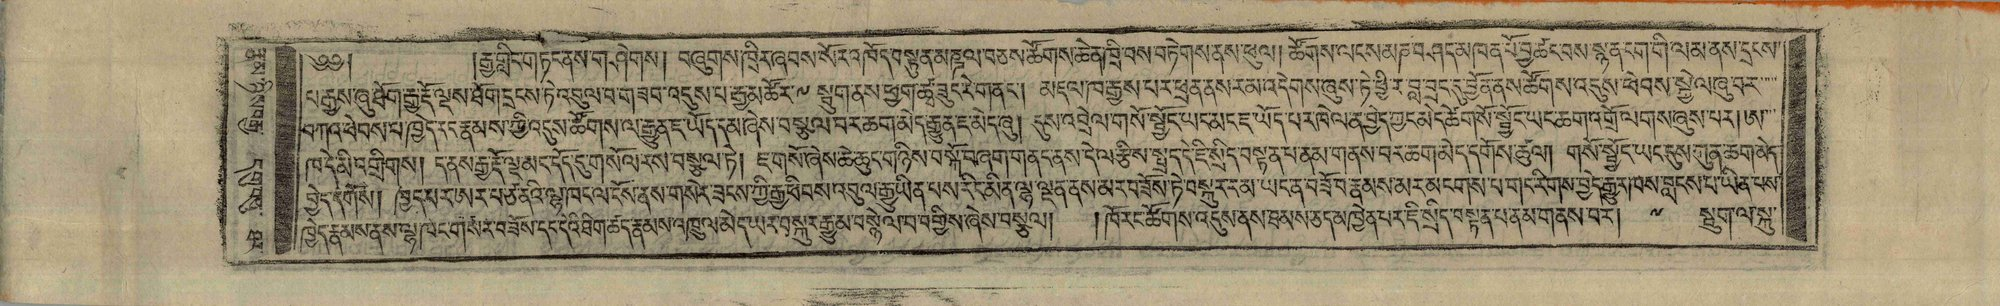༄༅། །རྒྱ་གླིང་གཏང་ནས་གཤེགས། བཞུགས་ཁྲིར་ཞབས་སོར་འཁོད་བསྟུན་མཎྜལ་བཅས་ཚོགས་ཆེན་ཁྲི་བས་བཏེགས་ནས་ཕུལ། ཚོགས་ལངས་མཎ་བཤད་མཁན་པོ་བྱ་ཚང་བས་སྙན་ངག་གི་ལམ་ནས་དྲངས་
བ་རྒྱས་ཞུ་ཐོག་རྒྱ་རྡོ་ལྔས་ཐོག་དྲངས་ཏེ་འབུལ་བ་གཟབ་འདུས་པ་རྒྱ་མཚོར་༧སྦུག་ནས་ཕྱག་ཚྭ་ཟུང་རེ་གནང་། མཇལ་ཁ་རྒྱས་པར་ཕྲན་ནས་རམ་འདེགས་ཞུས་ཏེ་ཕྱིར་བླ་བྲང་དུ་བྱོན་ནས་ཚོགས་འདུས་ཕེབས་སྐྱེལ་ཞུ་བར་
བཀའ་ཕེབས་པ་ཁྱེད་རང་རྣམས་ཀྱི་འདུས་ཚོགས་ལ་རྒྱུན་ཇ་ཡོད་དམ་ཞེས་བསྩལ་བར་ཆག་མེད་རྒྱུན་ཇ་མེད་ཞུ། དུས་འབྲེལ་གསོ་སྦྱོང་ཡང་མང་ཇ་ཡོད་པར་ཁེལ་ན་བྱེད་ཀྱང་མེད་ཚེ་གསོ་སྦྱོང་ཡང་ཆག་འགྲོ་ལགས་ཞུས་པར། ཨ་
ཁ་དེ་མི་འགྲིགས། ད་ནས་རྒྱ་རྡོ་ལྔ་མང་དོད་དུ་གསོལ་རས་བསྩལ་ཏེ། ཇ་གསོ་ཞེས་ཆེ་ཆུང་གཉིས་བསྐོ་བཞག་གནང་ནས་དེ་ལ་རྩིས་སྤྲད་དེ་ཇི་སྲིད་བསྟན་པ་ནམ་གནས་པར་ཆག་མེད་དགོས་ཚུལ། གསོ་སྦྱོང་ཡང་དུས་ཀུན་ཆག་མེད་
བྱེད་དགོས། ཁྱད་པར་ཨ་ར་པ་ཙ་ནའི་ལྷ་ཁང་ལ་ངོས་ནས་གསེར་ཟངས་ཀྱི་རྒྱ་ཕིབས་འབུལ་རྒྱུ་ཡིན་པས་རིང་མིན་ལྷ་ལྡན་ནས་མར་བཟོས་ཏེ་བསྐུར་རམ་ཡང་ན་བཟོ་བ་རྣམས་མར་མངགས་པ་གང་རིགས་བྱེད་རྒྱུར་ཁས་བླངས་པ་ཡིན་པས་
ཁྱེད་རྣམས་ནས་ལྷ་ཁང་གསར་བཟོས་དང་དེའི་ཐིག་ཚད་རྣམས་འཁྲུལ་མེད་ཡར་བསྐུར་རྒྱུ་མ་བསྙེལ་བ་བགྱིས་ཞེས་བསྩལ། །ཁོ་རང་ཚོགས་འདུས་ནས་ཐམས་ཅད་མཁྱེན་པར་ཇི་སྲིད་བསྟན་པ་ནམ་གནས་པར། ༧སྦུག་ལ་སྐུ་